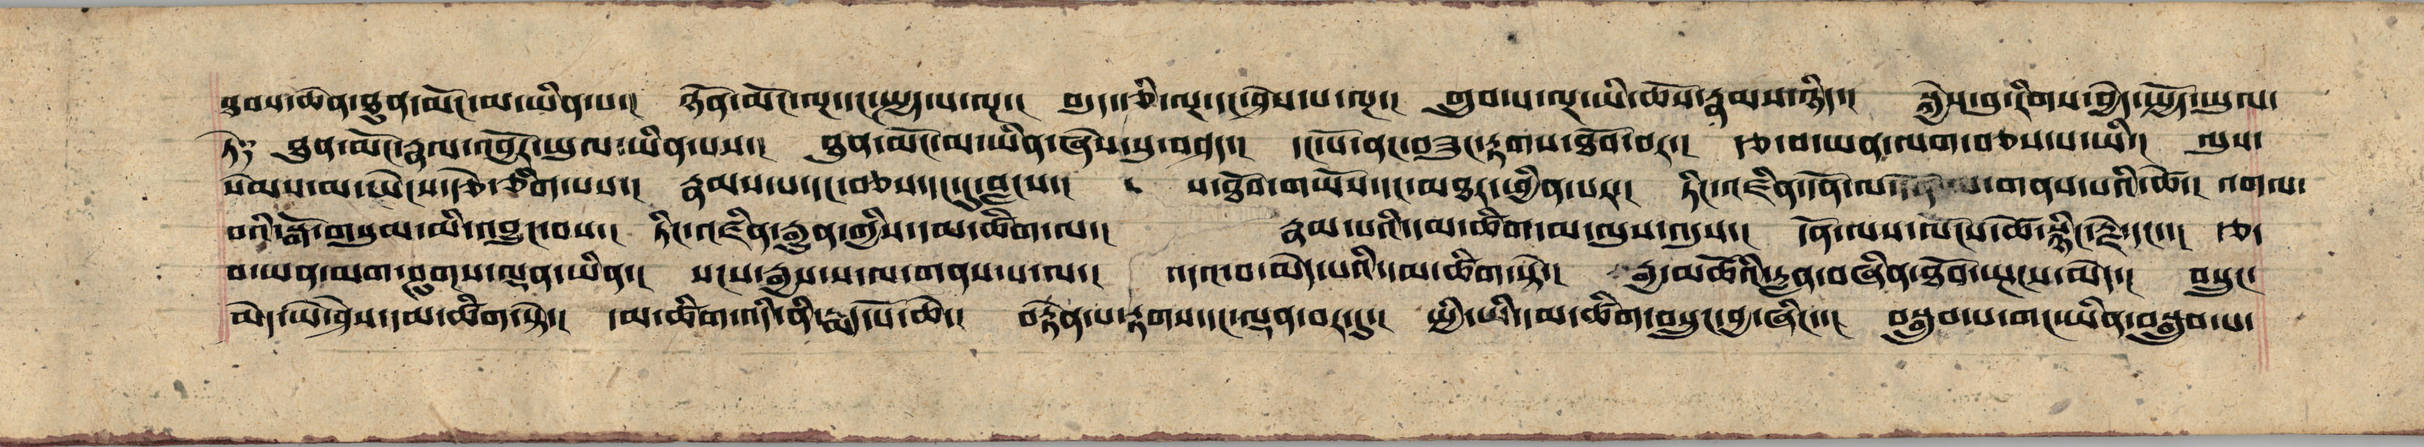ཐབས་ཆེན་ཐུན་མོང་མ་ཡིན་པ་། ཉོན་མོང་ལྔ་དང་སྤྱད་པ་ལྔ་། བདུད་རྩི་ལྔ་དང་ཤེས་པ་ལྔ་། གྲུབ་པ་ལྔ་ཡི་ཆོས་རྣམས་ཉིད་། སྐྱེས་བུ་རིགས་བྱེད་སྤྱོད་ཡུལ་
ཏེ༑ ཐུན་མོང་རྣལ་འབྱོར་ཡུལ་ཡིན་པས་། ཐུན་མོང་མ་ཡིན་ཞེས་སུ་བཤད་། དང་པོ་ནང་བཟུང་རྟགས་ཐོབ་བར་། རྩ་བ་ཡན་ལག་བཅས་པ་ཡི་། ལུས་
སེམས་མ་ཡེངས་རྩེ་ཅིག་པས་། རྣམས་པ་དང་བཅས་དང་དུ་བླངས་། ས་ཐོབ་གཡོས་དང་མཐར་ཕྱིན་པར་། ཏིང་འཛིན་དོན་ལ་གནས་པའི་ཚེ་། འགལ་
བའི་སྒོ་གསུམ་མི་འབྱུང་བས་། ཏིང་འཛིན་རྒྱུན་གྱིས་དམ་ཚིག་ལ་། རྣམ་པའི་དམ་ཚིག་མ་ལུས་འདུས་། དོན་ལས་ལོངས་ཚེ་སྙིང་རྗེ་དང་་། རྩ་
བ་ཡན་མག་ཤུགས་ལྡན་ཡིན་། སངས་རྒྱས་ས་ལ་གནས་པ་ལ་། འདའ་བ་མེད་པའི་དམ་ཚིག་སྟེ་། རྒྱ་མཚོའི་རླན་བཞིན་ཐོབ་སྤངས་མེད་། བསྲུང་
མེད་ཡེ་ཤེས་དམ་ཚིག་སྟེ་། དམ་ཚིག་འདི་ནི་རྨད་པོ་ཆེ་། བརྟེན་པ་རྟགས་དང་ལྡན་བར་དུ་། སྤྱི་ཡི་དམ་ཚིག་བསྲུང་བྱ་ཞིང་་། བསྒྲུབ་པ་གང་ཡིན་བསྒྲུབ་པ་